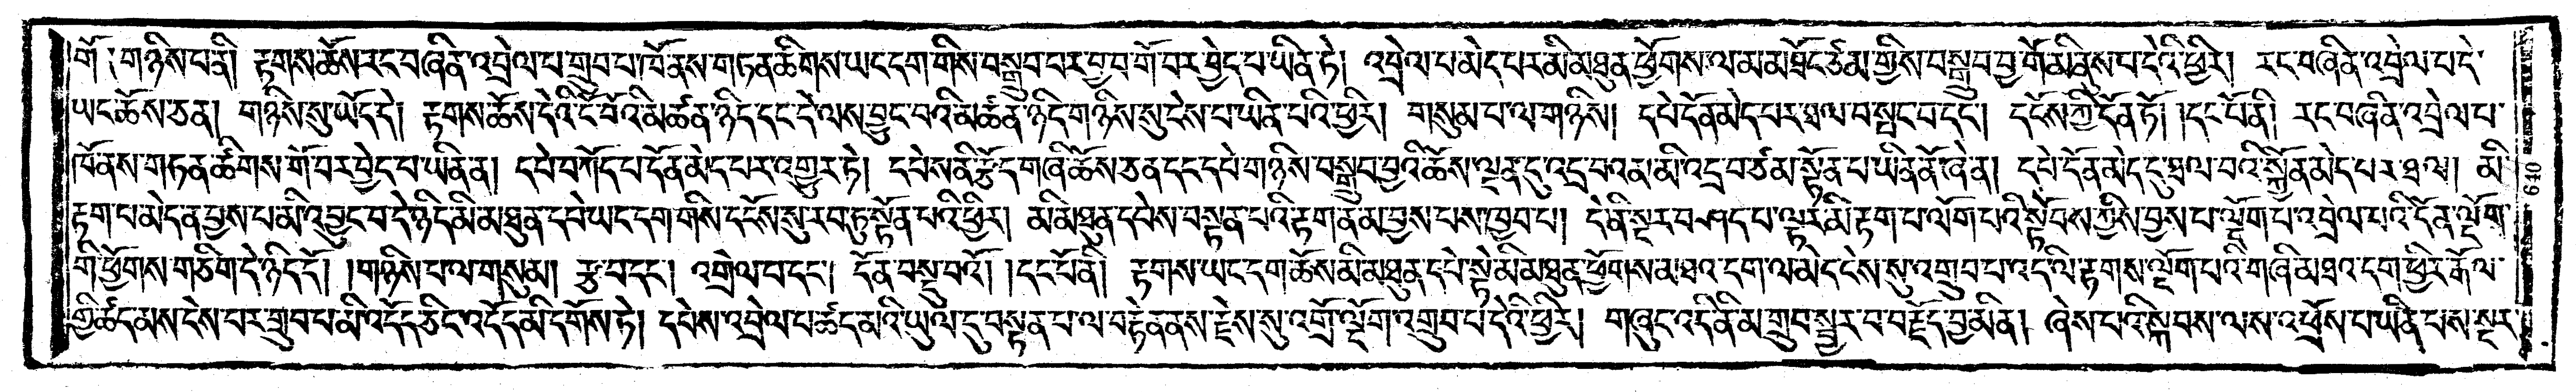གོ །གཉིས་པ་ནི། རྟགས་ཆོས་རང་བཞིན་འབྲེལ་པ་གྲུབ་པ་ཁོ་ནས་གཏན་ཚིགས་ཡང་དག་གིས་བསྒྲུབ་པར་བྱ་བ་གོ་བར་བྱེད་པ་ཡིན་ཏེ། འབྲེལ་པ་མེད་པར་མི་མཐུན་ཕྱོགས་ལ་མ་མཐོང་ཙམ་གྱིས་བསྒྲུབ་བྱ་གོ་མི་ནུས་པ་དེའི་ཕྱིར། རང་བཞིན་འབྲེལ་པ་དེ་
ཡང་ཆོས་ཅན། གཉིས་སུ་ཡོད་དེ། རྟགས་ཆོས་དེའི་ངོ་བོའི་མཚན་ཉིད་དང་དེ་ལས་བྱུང་བའི་མཚན་ཉིད་སུ་ངེས་པ་ཡིན་པའི་ཕྱིར། གསུམ་པ་ལ་གཉིས། དཔེ་དོན་མེད་པར་ཐལ་བ་སྤང་བ་དང་། དངོས་ཀྱི་དོན་ཏོ། །དང་པོ་ནི། རང་བཞིན་འབྲེལ་པ་
ཁོ་ནས་གཏན་ཚིགས་གོ་བར་བྱེད་པ་ཡིན་ན། དཔེ་བཀོད་པ་དོན་མེད་པར་འགྱུར་ཏེ། དཔེས་ནི་རྩོད་གཞི་ཆོས་ཅན་དང་དཔེ་གཉིས་བསྒྲུབ་བྱའི་ཆོས་ལྡན་དུ་འདྲ་བའམ་མི་འདྲ་བ་ཙམ་སྟོན་པ་ཡིན་ནོ་ཞེ་ན། དཔེ་དོན་མེད་དུ་ཐལ་བའི་སྐྱོན་མེད་པར་ཐལ། མི་
རྟག་པ་མེད་ན་བྱས་པ་མི་འབྱུང་བ་དེ་ཉིད་མི་མཐུན་དཔེ་ཡང་དག་གིས་དངོས་སུ་རབ་ཏུ་སྟོན་པའི་ཕྱིར། མི་མཐུན་དཔེས་བསྟན་པའི་རྟག་ན་མ་བྱས་པས་ཁྱབ་པ། དེ་ནི་སྔར་བཤད་པ་ལྟར་མི་རྟག་པ་ལོག་པའི་སྟོབས་ཀྱིས་བྱས་པ་ལྡོག་པ་འབྲེལ་པའི་དོན་ལྡོག་
གི་ཕྱོགས་གཅིག་དེ་ཉིད་དོ། །གཉིས་པ་ལ་གསུམ། རྩ་བ་དང་། འགྲེལ་པ་དང་། དོན་བསྡུ་བའོ། །དང་པོ་ནི། རྟགས་ཡང་དག་ཆོས་མི་མཐུན་དཔེ་སྟེ་མི་མཐུན་ཕྱོགས་མཐའ་དག་ལ་མེད་ངེས་སུ་འགྲུབ་པ་འདི་ལ་རྟགས་ལྡོག་པའི་གཞི་མཐའ་དག་ཕྱིར་རྒོལ་
གྱི་ཚད་མས་ངེས་པར་གྲུབ་པ་མི་འདོད་ཅིང་འདོད་མི་དགོས་ཏེ། དཔེས་འབྲེལ་པ་ཚད་མའི་ཡུལ་དུ་བསྟན་པ་ལ་བརྟེན་ནས་རྗེས་སུ་འགྲོ་ལྡོག་འགྲུབ་པ་དེའི་ཕྱིར། གཞུང་འདི་ནི་མ་གྲུབ་སྦྱར་བ་བརྗོད་བྱ་མིན། ཞེས་པའི་སྐབས་ལས་འཕྲོས་པ་ཡིན་པས་སྔར་